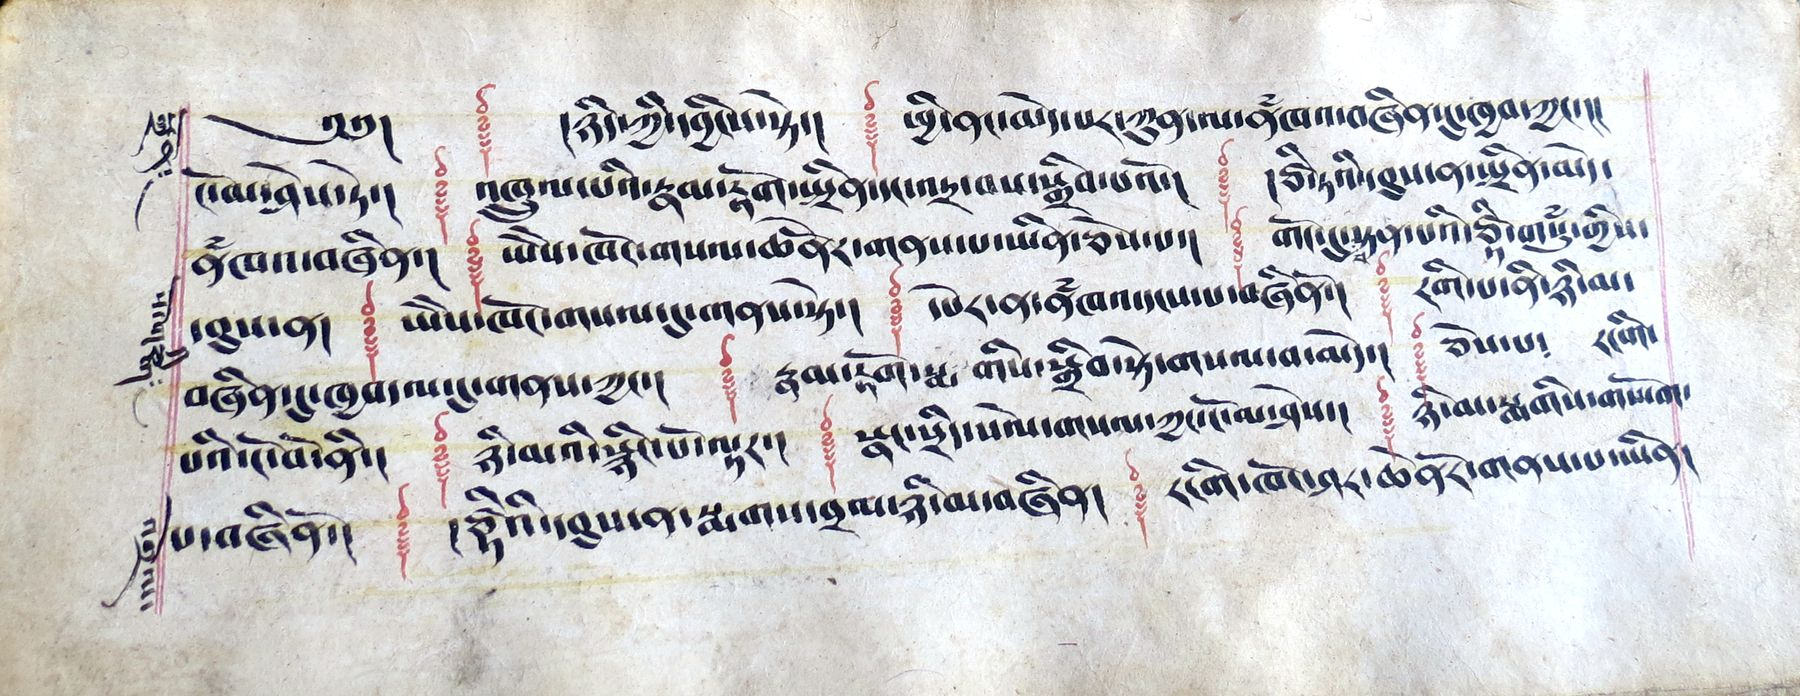ཉིད་ཀྱི་དབྱིངས་དེ། ཕྱི་ནང་མེད་པ་ཀུན་ལ་ནམ་མཁའ་བཞིན་དུ་ཁྱབ་ཀྱང་། 
ངོ་མ་ཤེས་ཏེ་འཁྲུལ་པའི་རྣམ་རྟོག་སྤྲིན་དང་འདྲ་བས་སྒྲིབ་པའོ། །ཙི་ཏའི་དབུས་ན་སྤྲིན་མེད་
ནམ་མཁའ་བཞིན། ཡེ་ཤེས་ཁོང་གསལ་ཆེན་པོར་གནས་པ་ཡིན། །ཞེས་པས་གོང་དུ་བསྟན་པའི་ཙི་ཏ་གསུམ་གྱི་
དབུས་ན། ཡེ་ཤེས་ཁོང་གསལ་དུ་གནས་ཏེ། དཔེར་ན་ནམ་མཁའ་དྭངས་པ་བཞིན་ནོ། །རིག་པ་ནི་ཉི་མ་
བཞིན་དུ་ཁྱབ་བདལ་དུ་གནས་ཀྱང་། རྣམ་རྟོག་སྨག་གིས་བསྒྲིབས་ཏེ་གསལ་བ་མེད། །ཅེས་པས། རང་གི
པའི་ངོ་བོ་ནི། ཉི་མའི་སྙིང་པོ་ལྟར། སྣང་སྲིད་སལེ་གསལ་ཡང་ངོ་མ་ཤེས། ཉི་མ་སྨག་གིས་གཡོགས་
པ་བཞིན་ནོ། །ཙི་ཏའི་དབུས་ན་སྨག་བྲལ་ཉི་མ་བཞིན། རང་རིག་ཁོང་ཤར་ཆེན་པོར་གནས་པ་ཡིན།